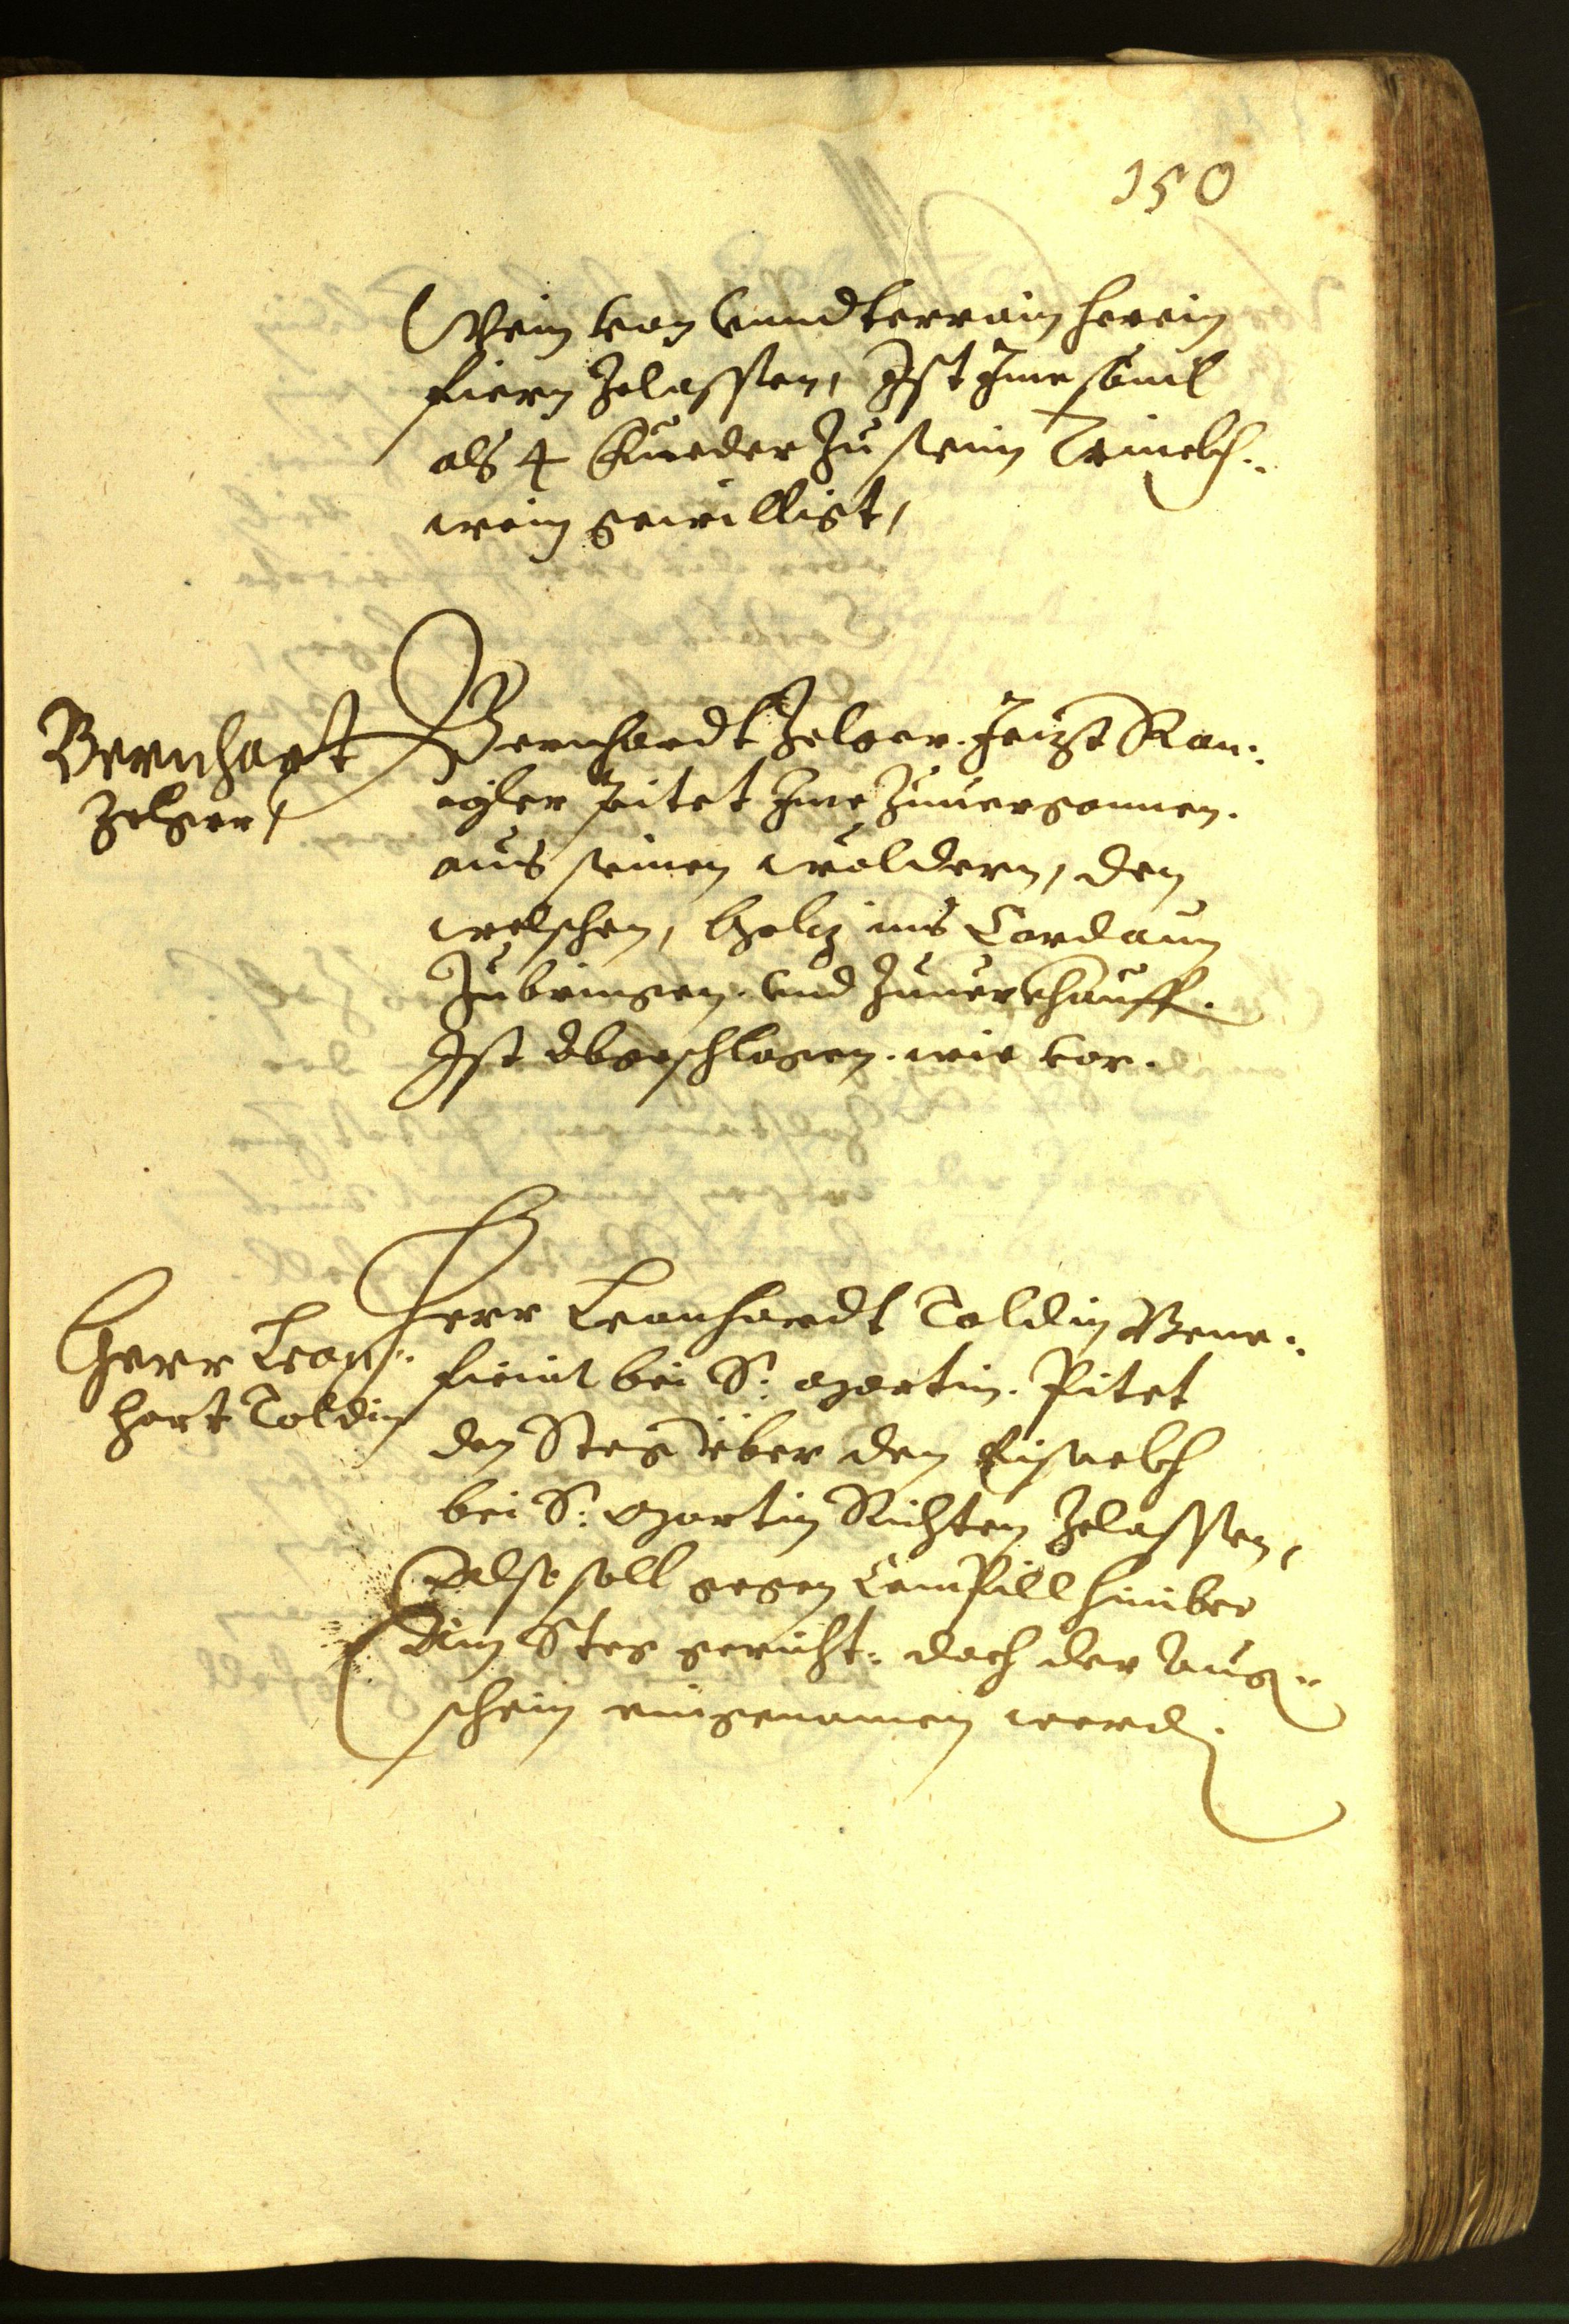150
Wein von vnndterrain herein
fiern Zelassen, Ist Ime sovil
als 4 Fūeder Zū sein Trinckh¬
wein gewilligt,
Bernhardt Zelger. Jezt Ran¬
igler Pitet Ime Zūūergonnen.
aūs seinen wāldern, den
welschen, holz ins Cardaūn
Zū bringen. vnd Zūūerkhaūff.
Ist Abgeschlagen. wie vor.
Bernhart
Zelger/
Herr Leonhardt Toldin Bene¬
ficiat bei S: Martin. Pitet
den Steg v̈ber den Eisackh
bei S: Martin Richten Zelassen,
Also soll gegen Cam Pill hiniber
Ain Steg gericht: doch der Aūg¬
schein eingenomen werd.
Herr Leon¬
hart Toldin